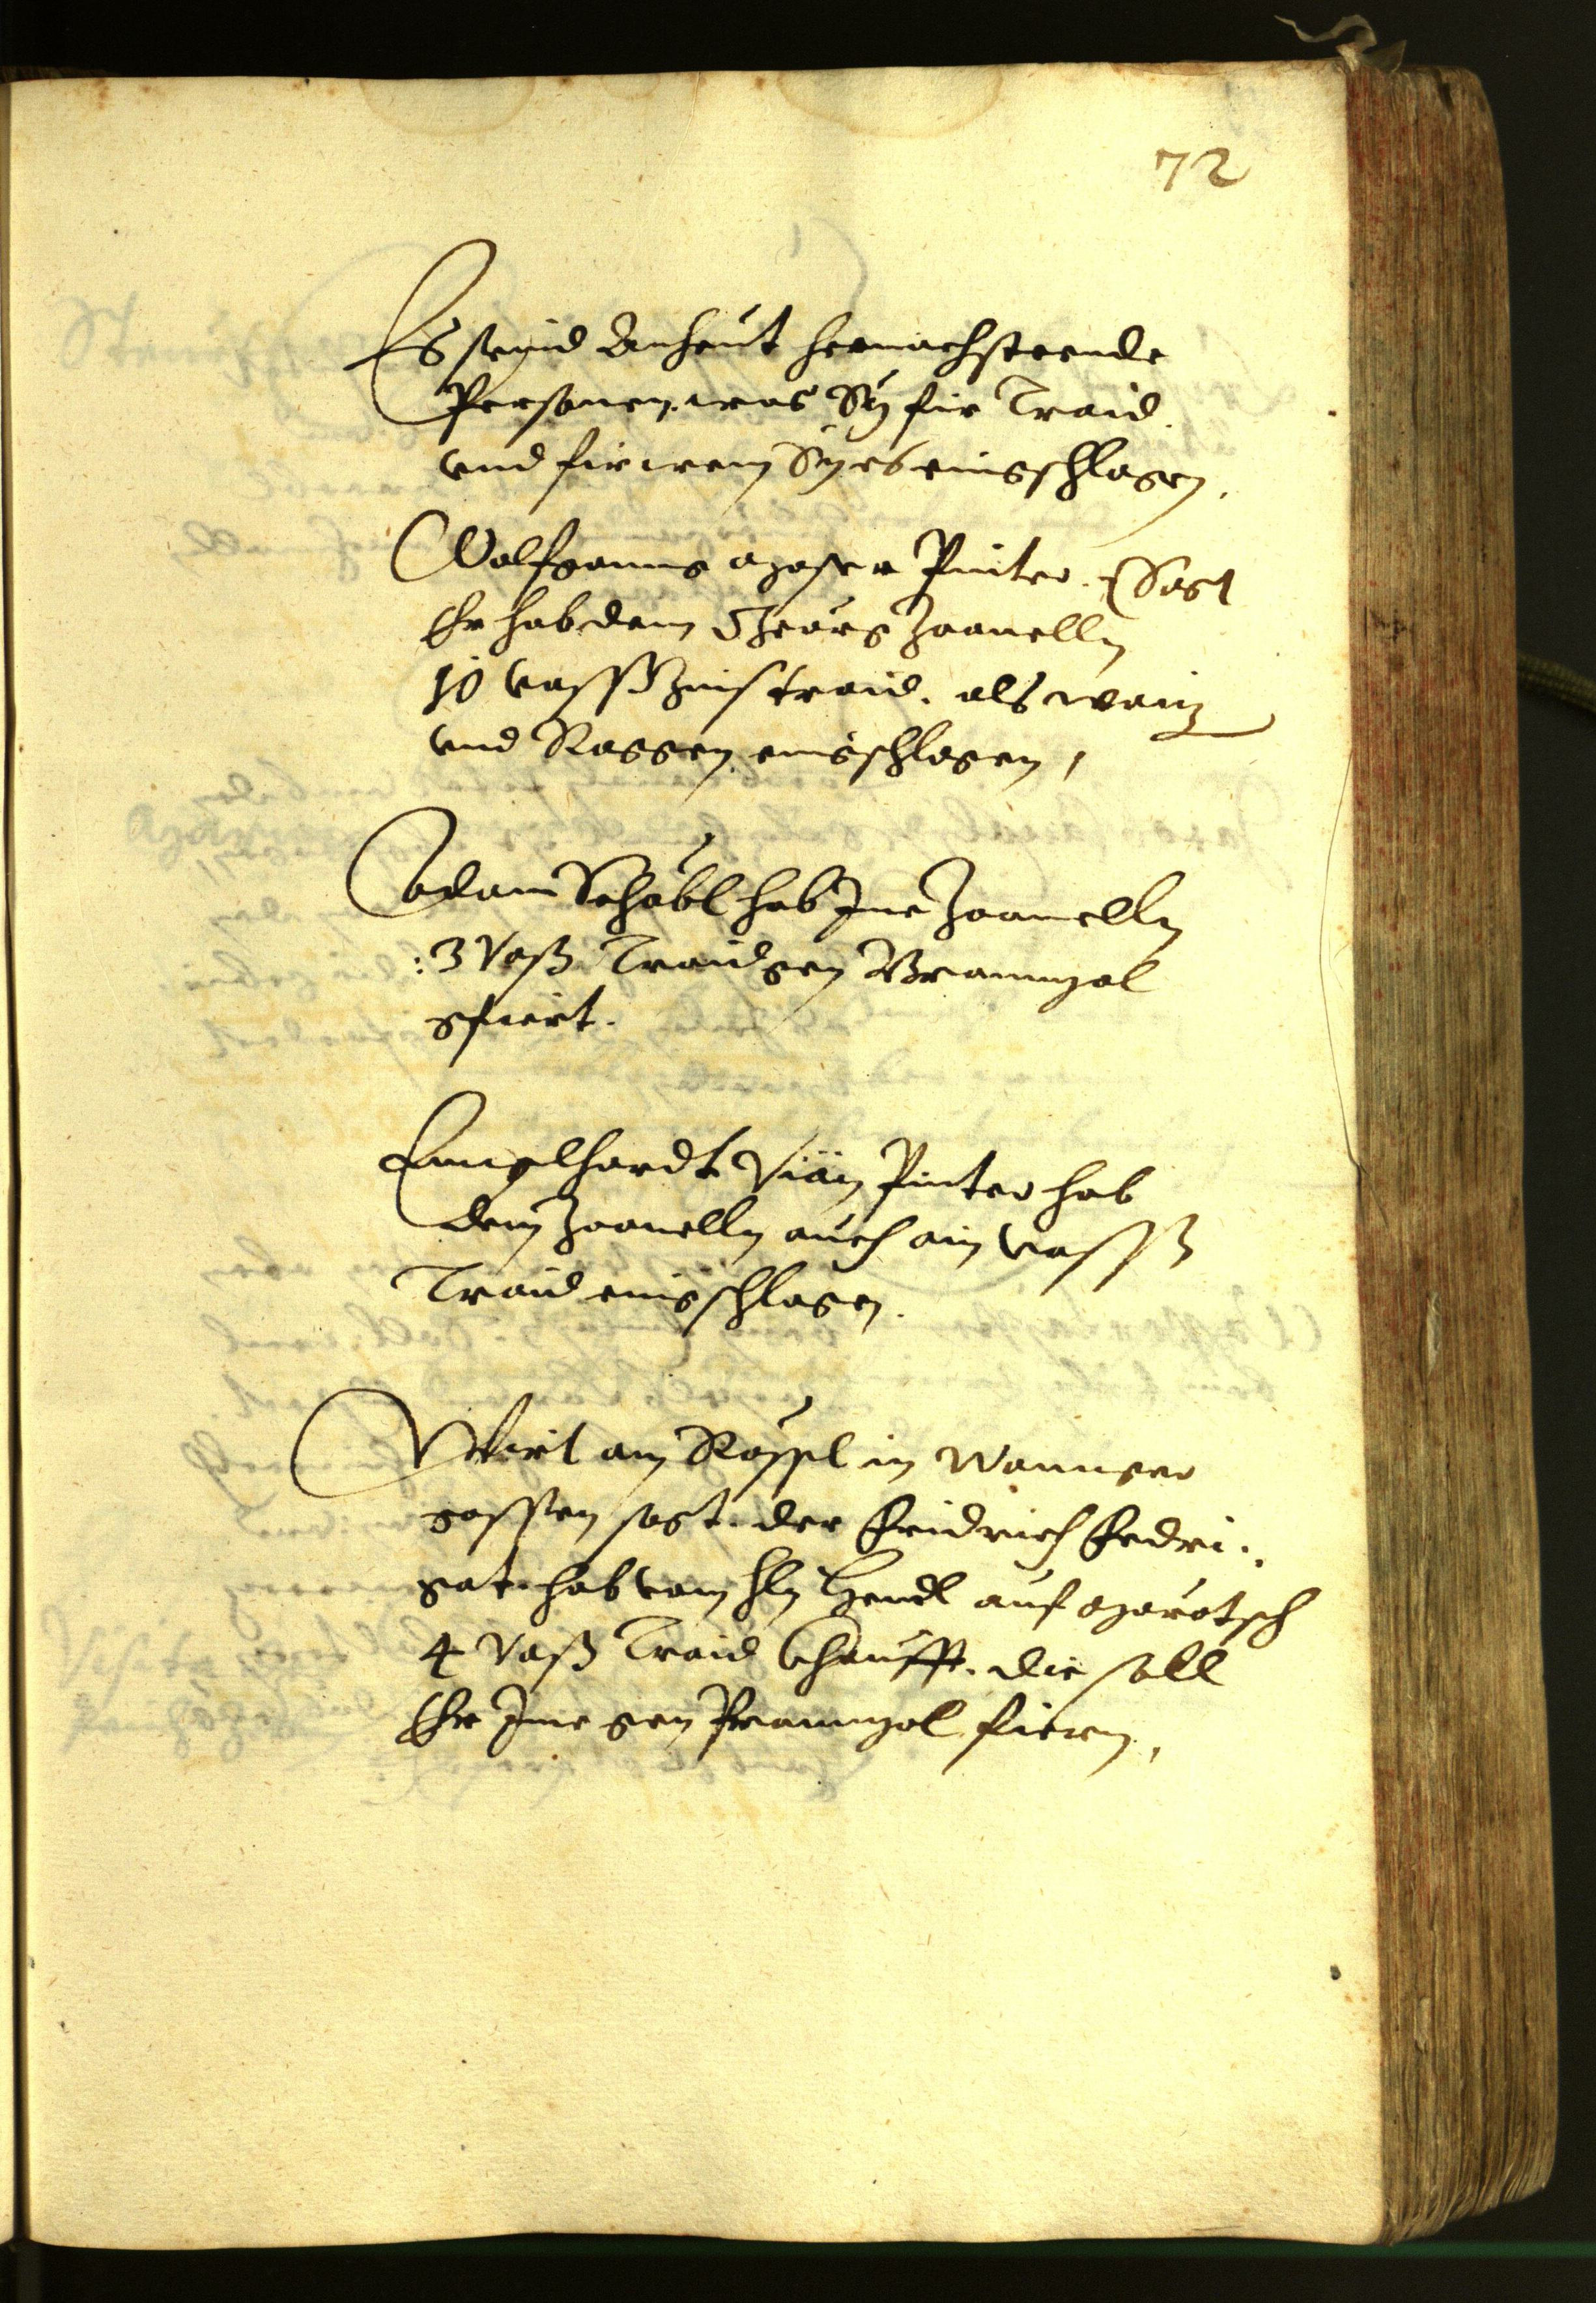72
Es seind Anheūt hernachsteende
Personen. was Sȳ fir Traid.
vnd fir wem Sȳ es eingschlagen.
Wolfganng Moser Pinter. Sagt
Er hab dem Geōrg Zoanelln
10 vasß Zins traid. als Waiz
vnd Roggen eingschlagen,
Adam Schābl hab Ime Zoanelln
:3 Vaß Traid gen Brannzol
gfiert.
Ennglhardt Viän Pinter hab
dem Zoanelln aūch ain vasß
Traid eingschlagen.
Wirt am Rōssl in Wannger
gassen sagt. der Fridrich Fedri¬
gat. hab vom hln Hendl aūf Marōtsch
4 Vaß Traid khaūfft. die soll
Er Ime gen Prannzol fiern,